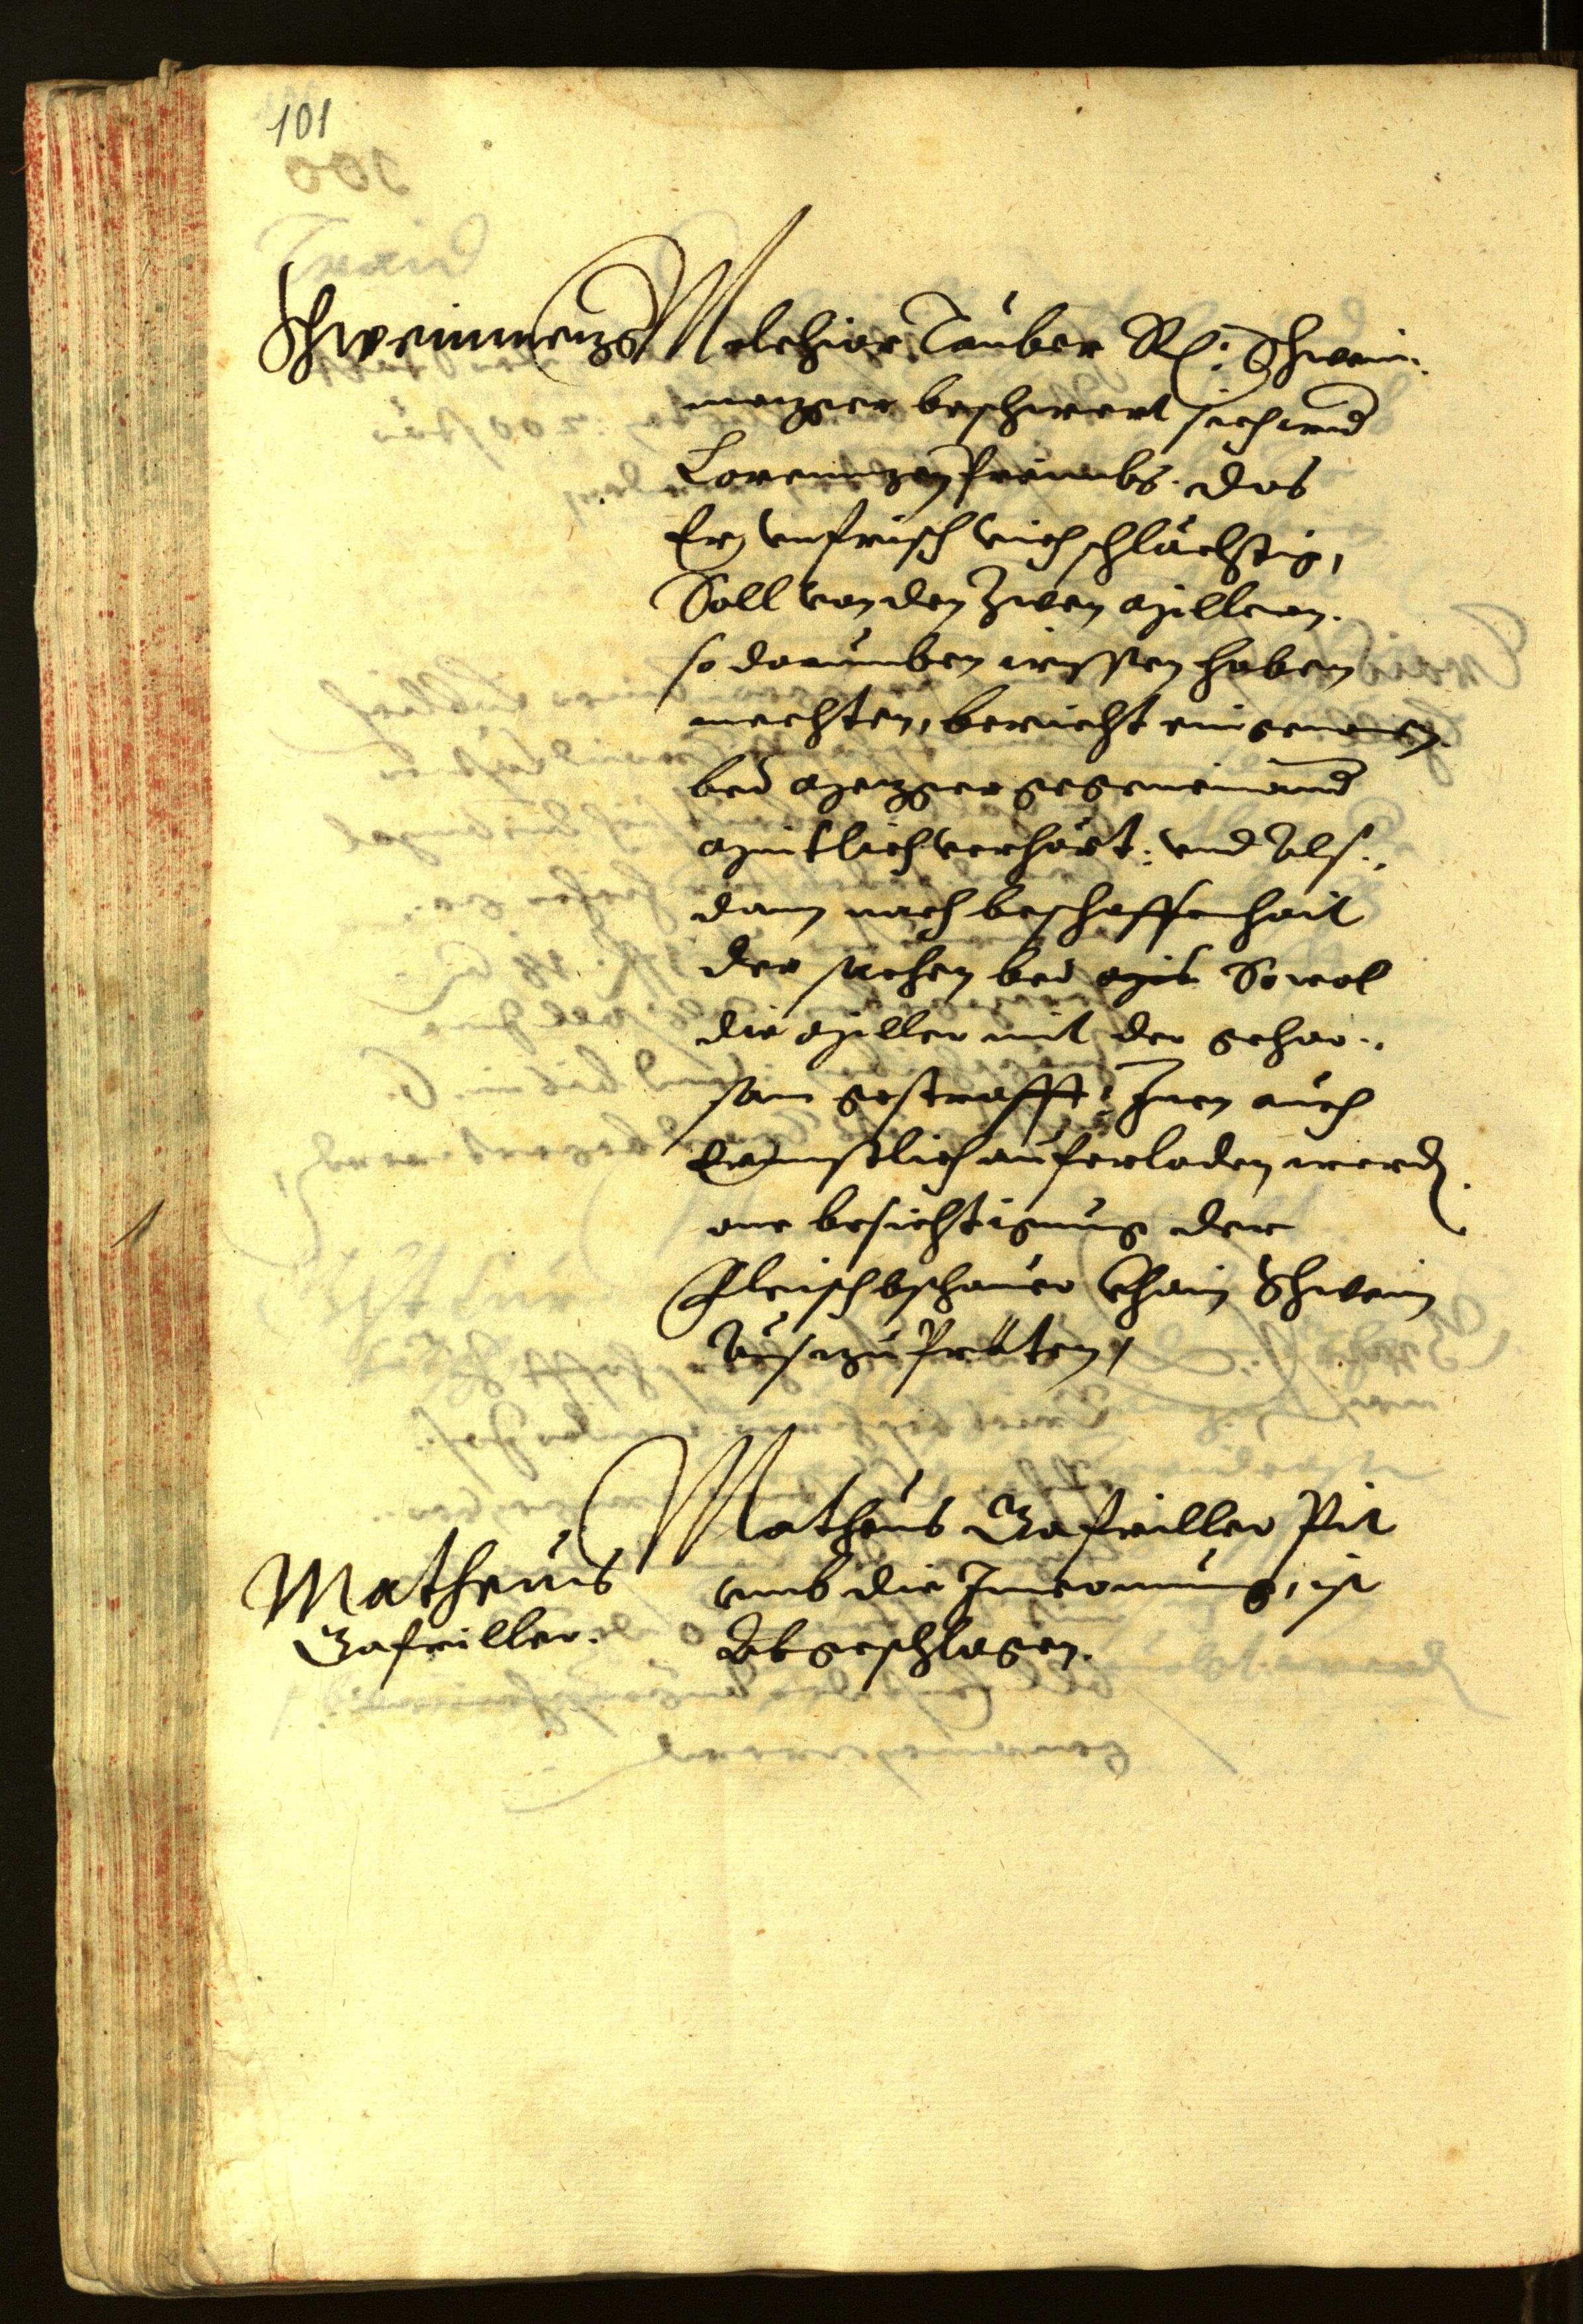101
Melchior Taūber R: Schwein¬
mezger beschwert sich wid
Lorennzen Preimbs. das
Er vnfrisch vieh schlāchtig,
Soll von den Zwen Millern.
so darūmben wissen haben
mechten, bericht eingenomen.
bed Mezger gegeneinand
Mintlich verhōrt: vnd Als¬
dann nach beschaffenhait
der sachen bed Mis. So wol
die Miller mit den gehor¬
sam gestrafft. Inen aūch
Ernnstlich aūferladen werd.
one besichtigūng der
Fleischbschaūer khain Schwein
AūszūPräten,
Schweinmezg
Matheūs Gafriller Pit
vmb die Inwnnūng, ist
Abgeschlagen.
Matheūs
Gafriller.